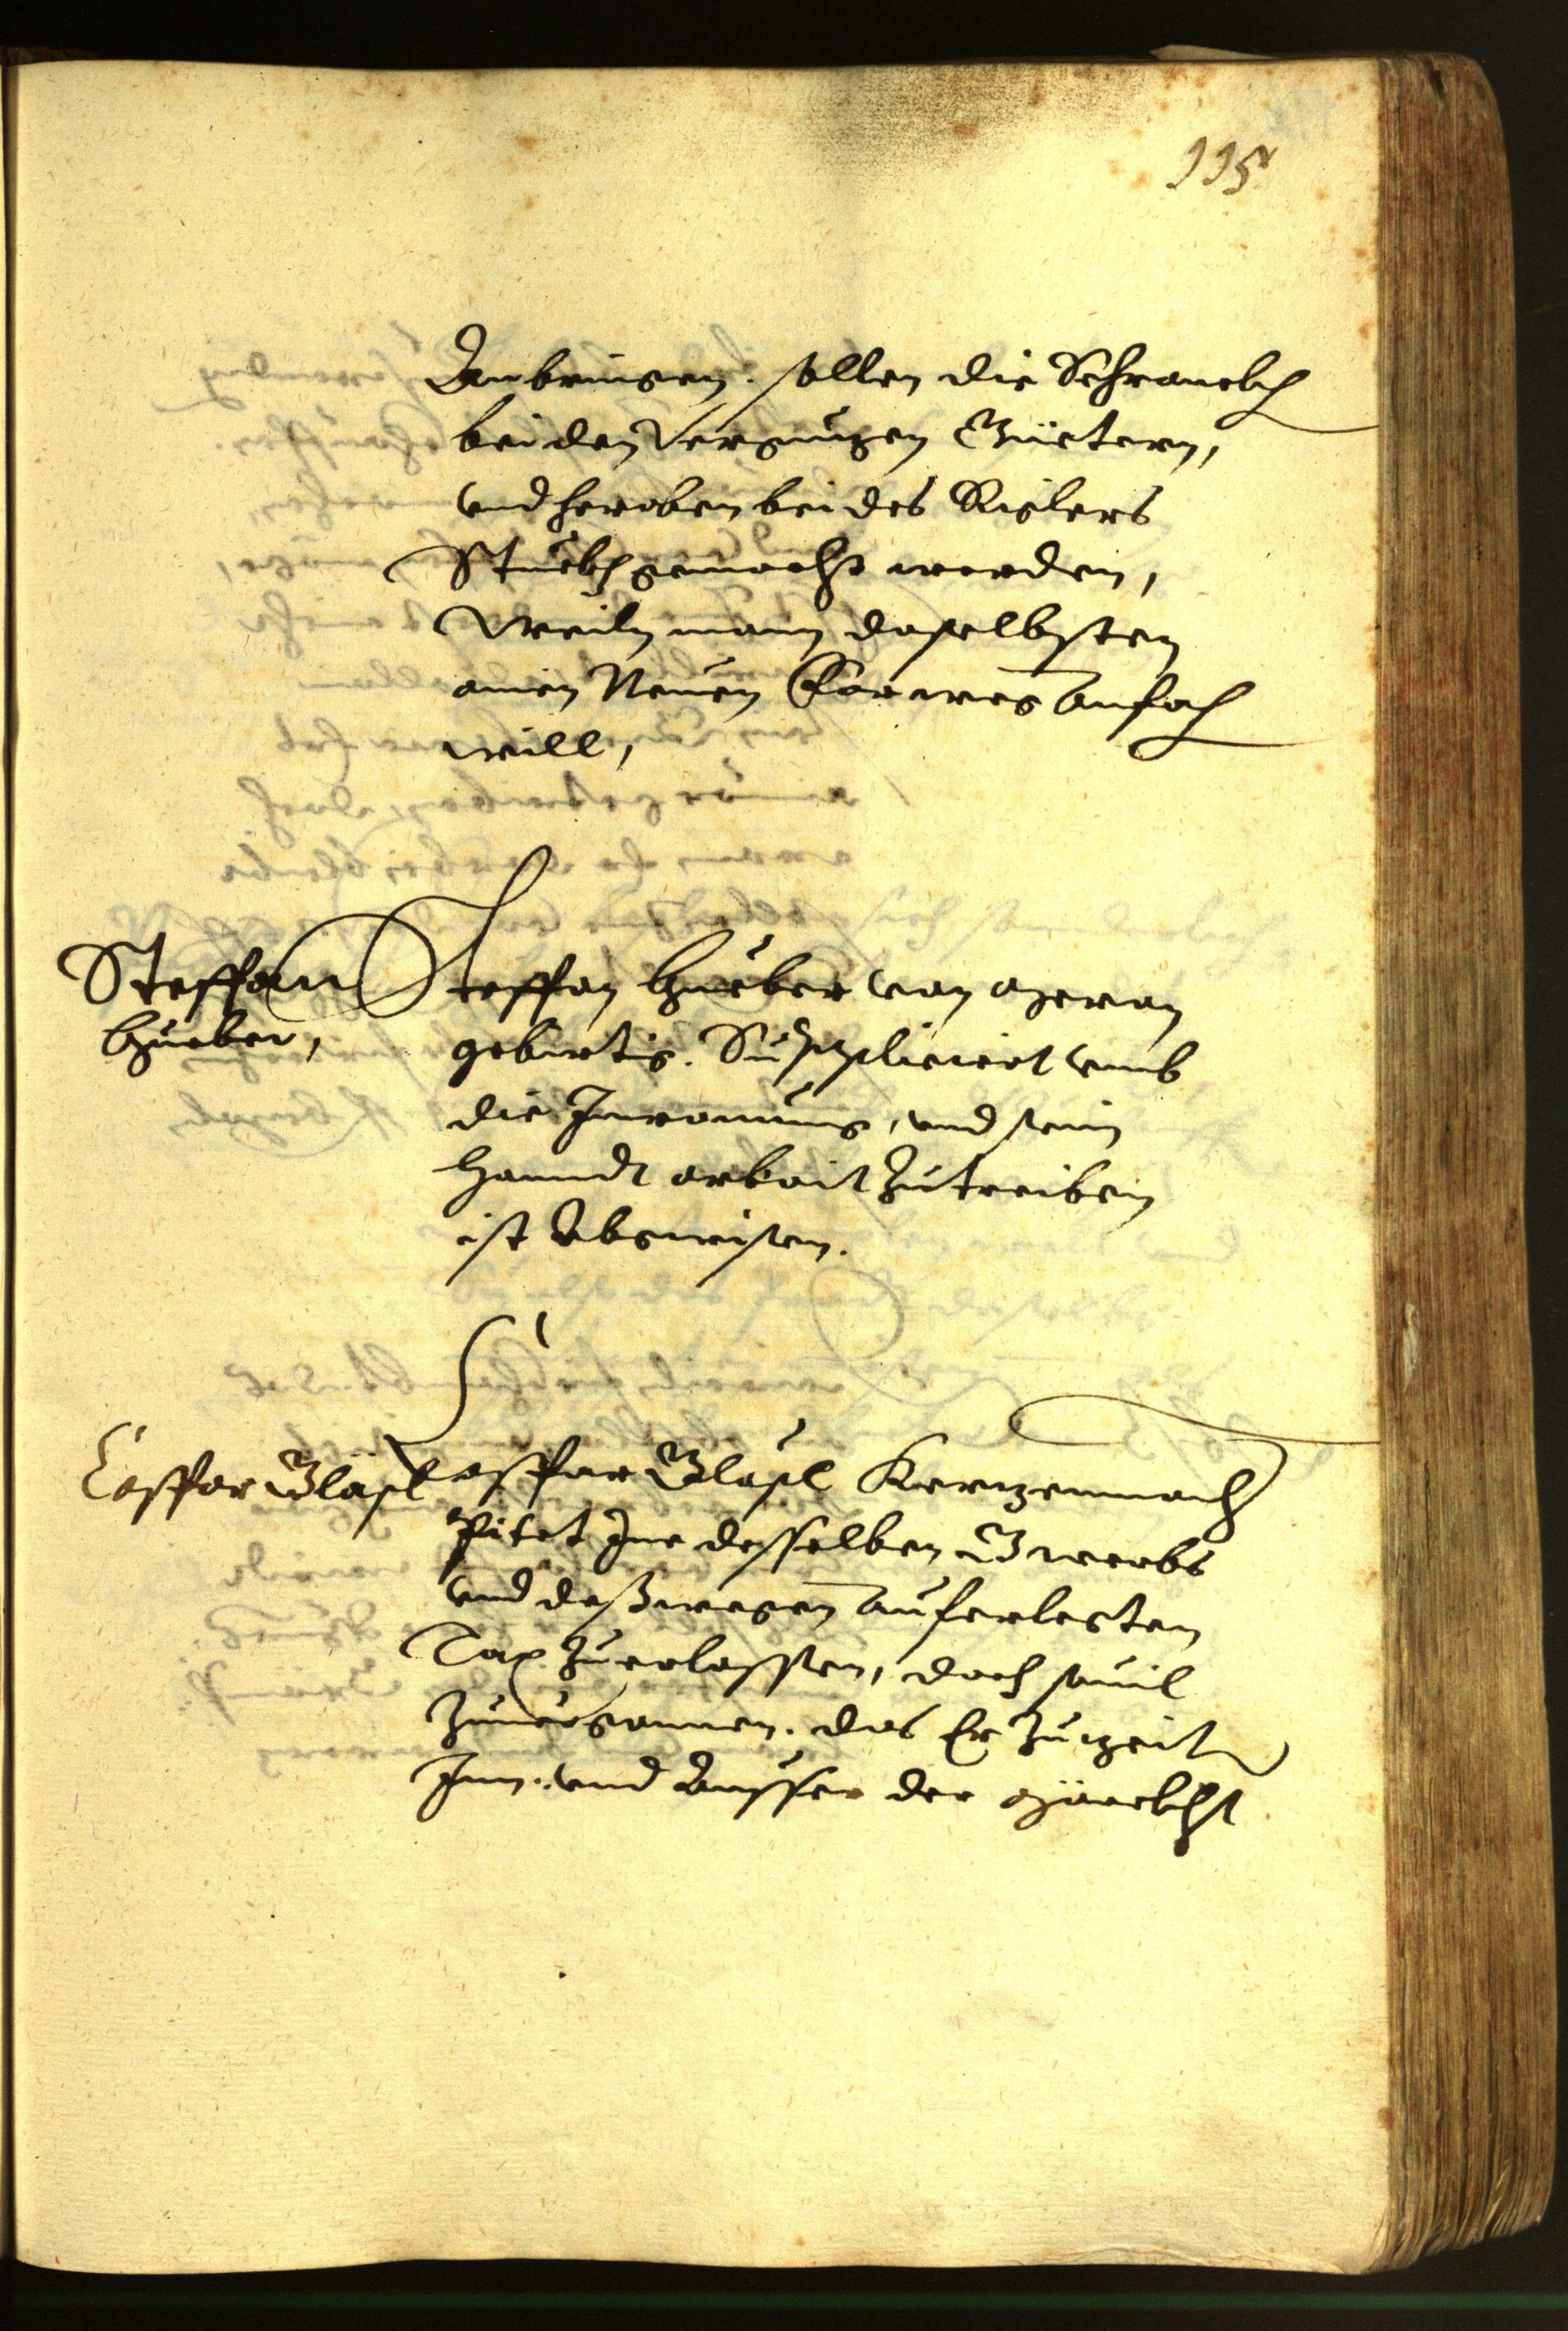115
Anbringen. sollen die Schranckh
bei den Vergnūzen Güetern,
vnd heroben bei des Riglers
Stūckh gemacht werden,
Weiln mann daselbsten
ainen Neūen Farweg Anfah
will,
Steffan Hūeber von Meran
gebirtig. SūPpliciert vmb
die Inwonūng, vnd sein
Hanndt arbait Zūtreiben,
ist Abgwisen.
Steffan
Hūeber,
Caspar Blāsl Kerzenmach
Pitet Ine desselben Gwerbs
vnd deßwegen Aūferlegten
Tax Zūerlassen, doch soūil
Zūūergonnen. das Er Zū zeit
Inn: vnd Aūsser der Märckht
Caspar Bläsl